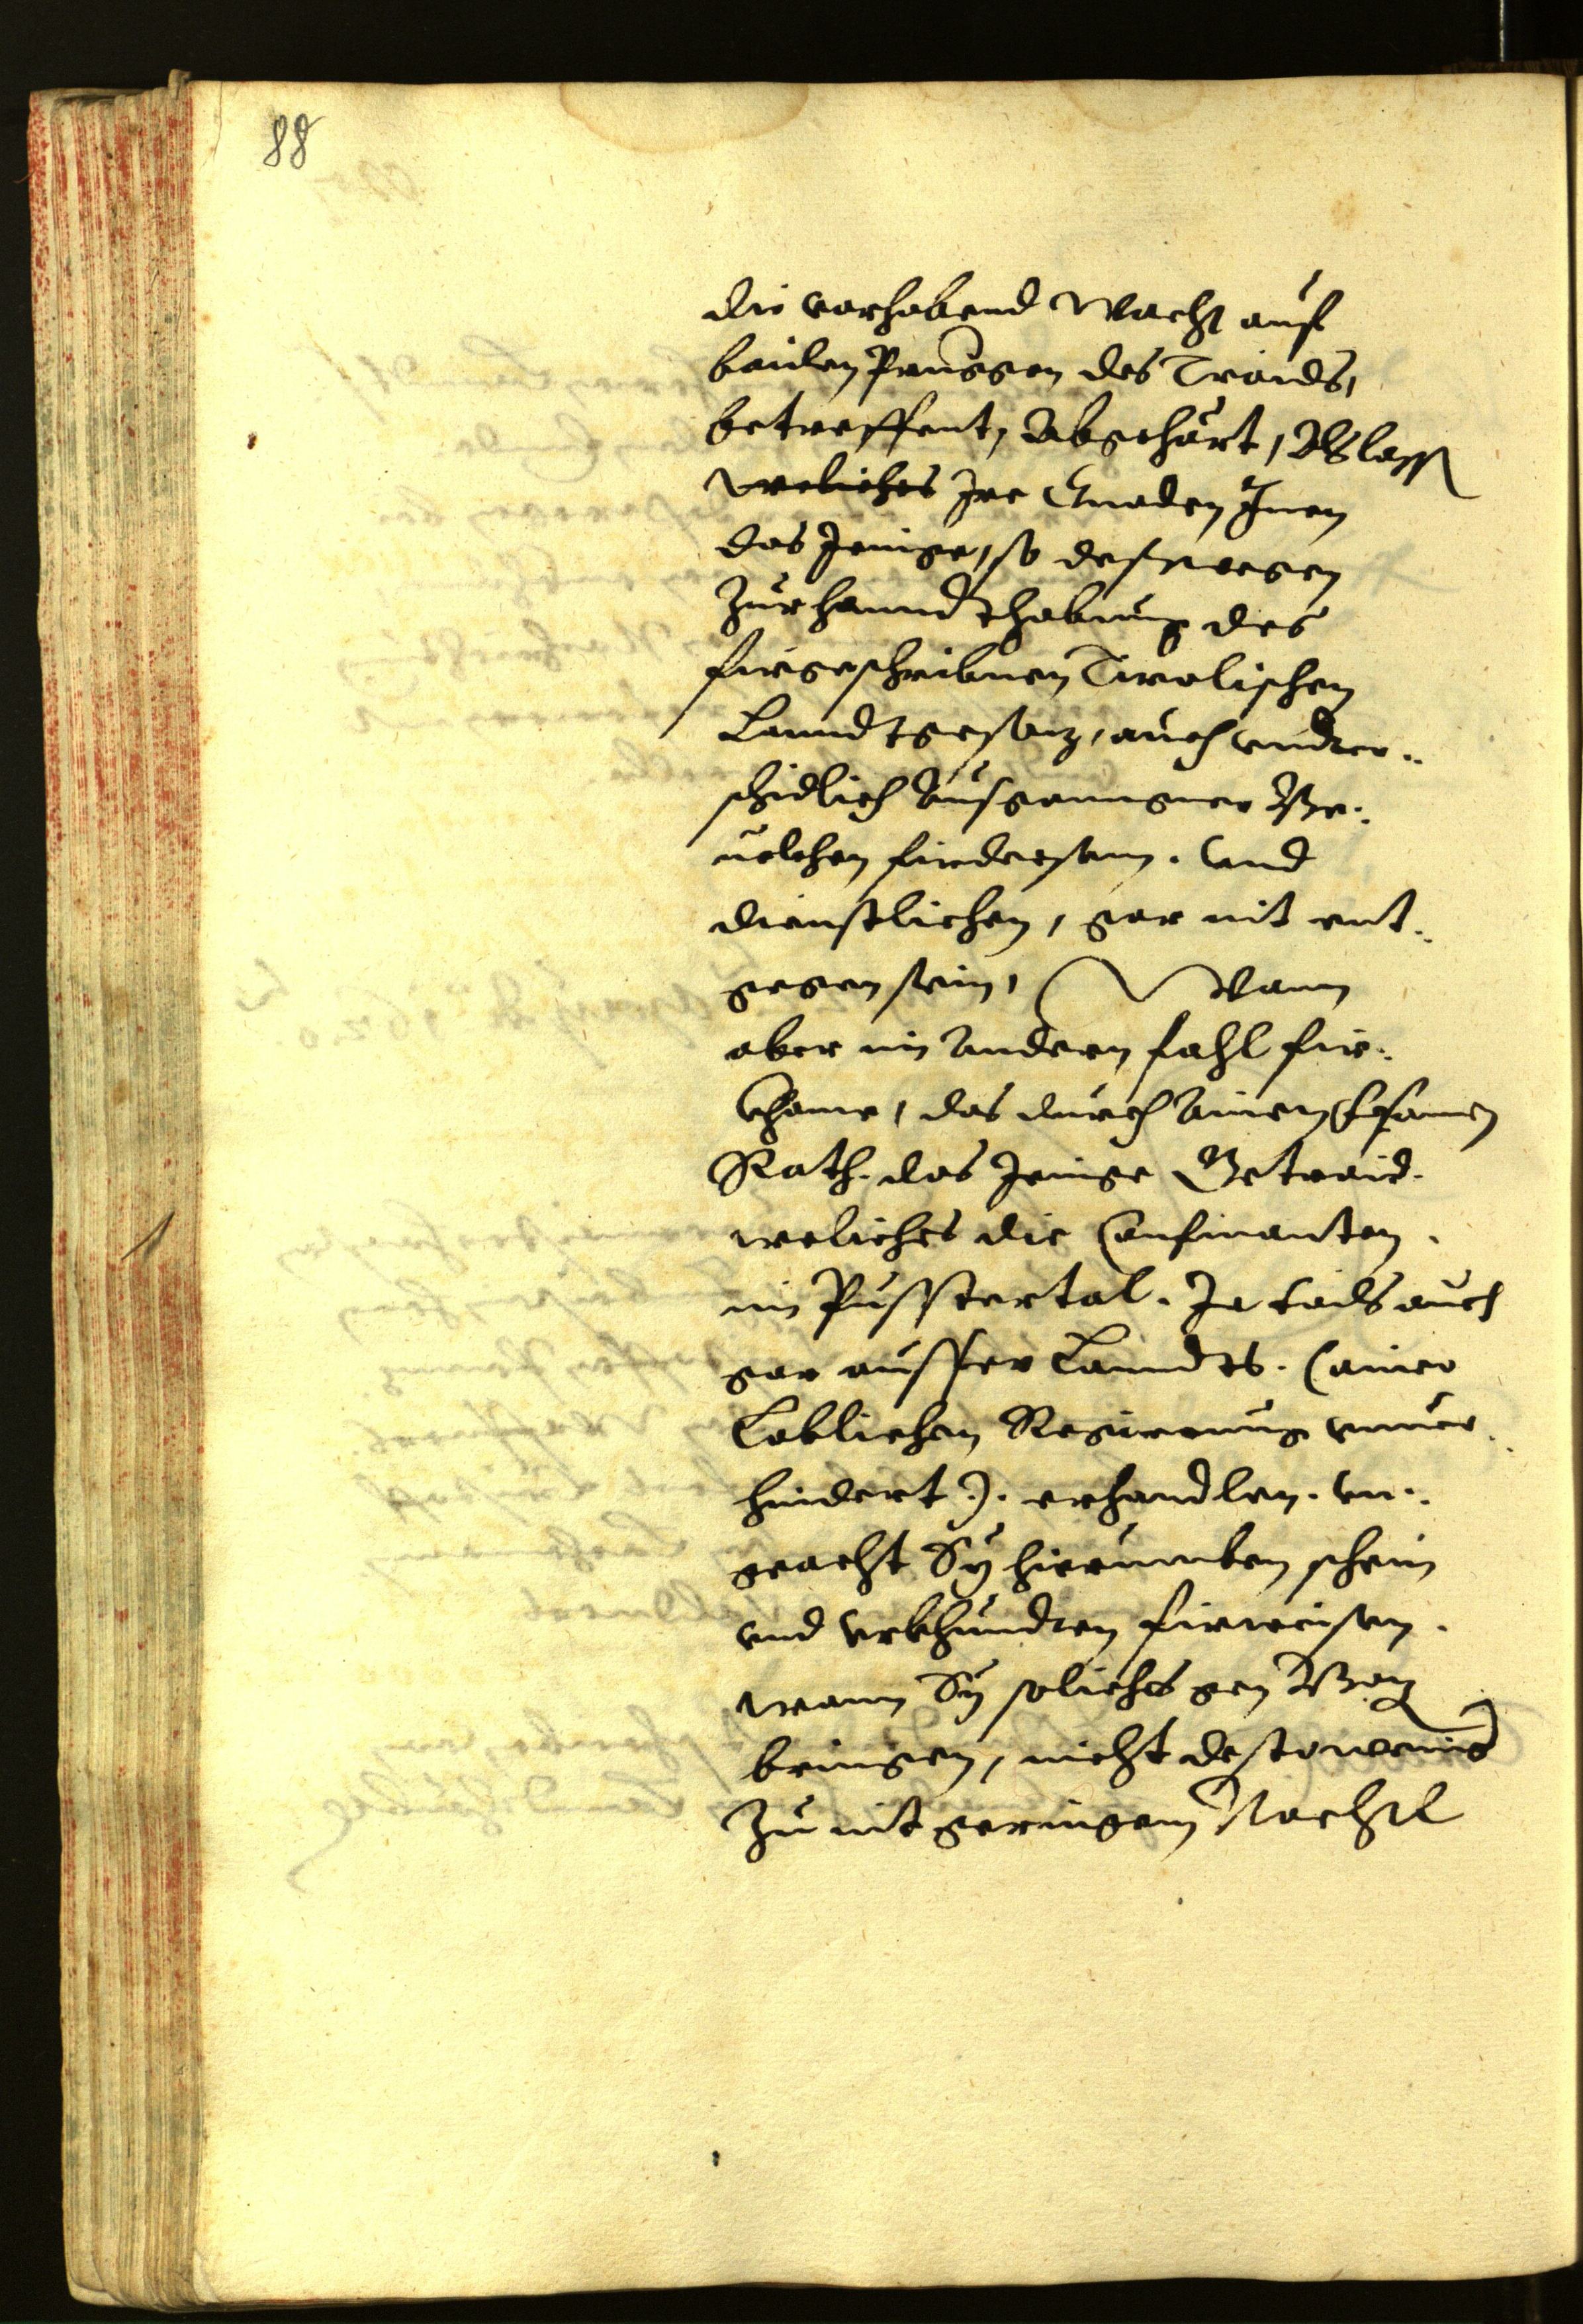88
die vorhabend Wacht aūf
baiden Prūggen des Traids,
betreffent, Abgehōrt, Als lass
weliches Ire Gnaden Inen
das Jenige, so deßwegen
Zūr hanndthabūng des
firgeschribnen Tirolischen
Landtgesez, aūch vndter¬
schidlich Aūsganngner Be¬
ūelchen firdersam. vnd
dienstlichen, gar nit ent¬
gegen sein, Wann
aber im Andern fahl fir¬
khome, das dūrch Ainen Ersamen
Rath. das Jenige Getraid.
weliches die Confinanten.
im Pūsstertal. Ze tails aūch
gar aūsser Lanndts. (ainer
Loblichen Regierūng vnūer¬
hindert.). erhandlen. vn¬
geacht Sȳ hierūmben schein
vnd vrkhūndten firweisen.
wann Sȳ soliches gen Boz
bringen, nicht destowenig
Zū nit geringem Nachtl